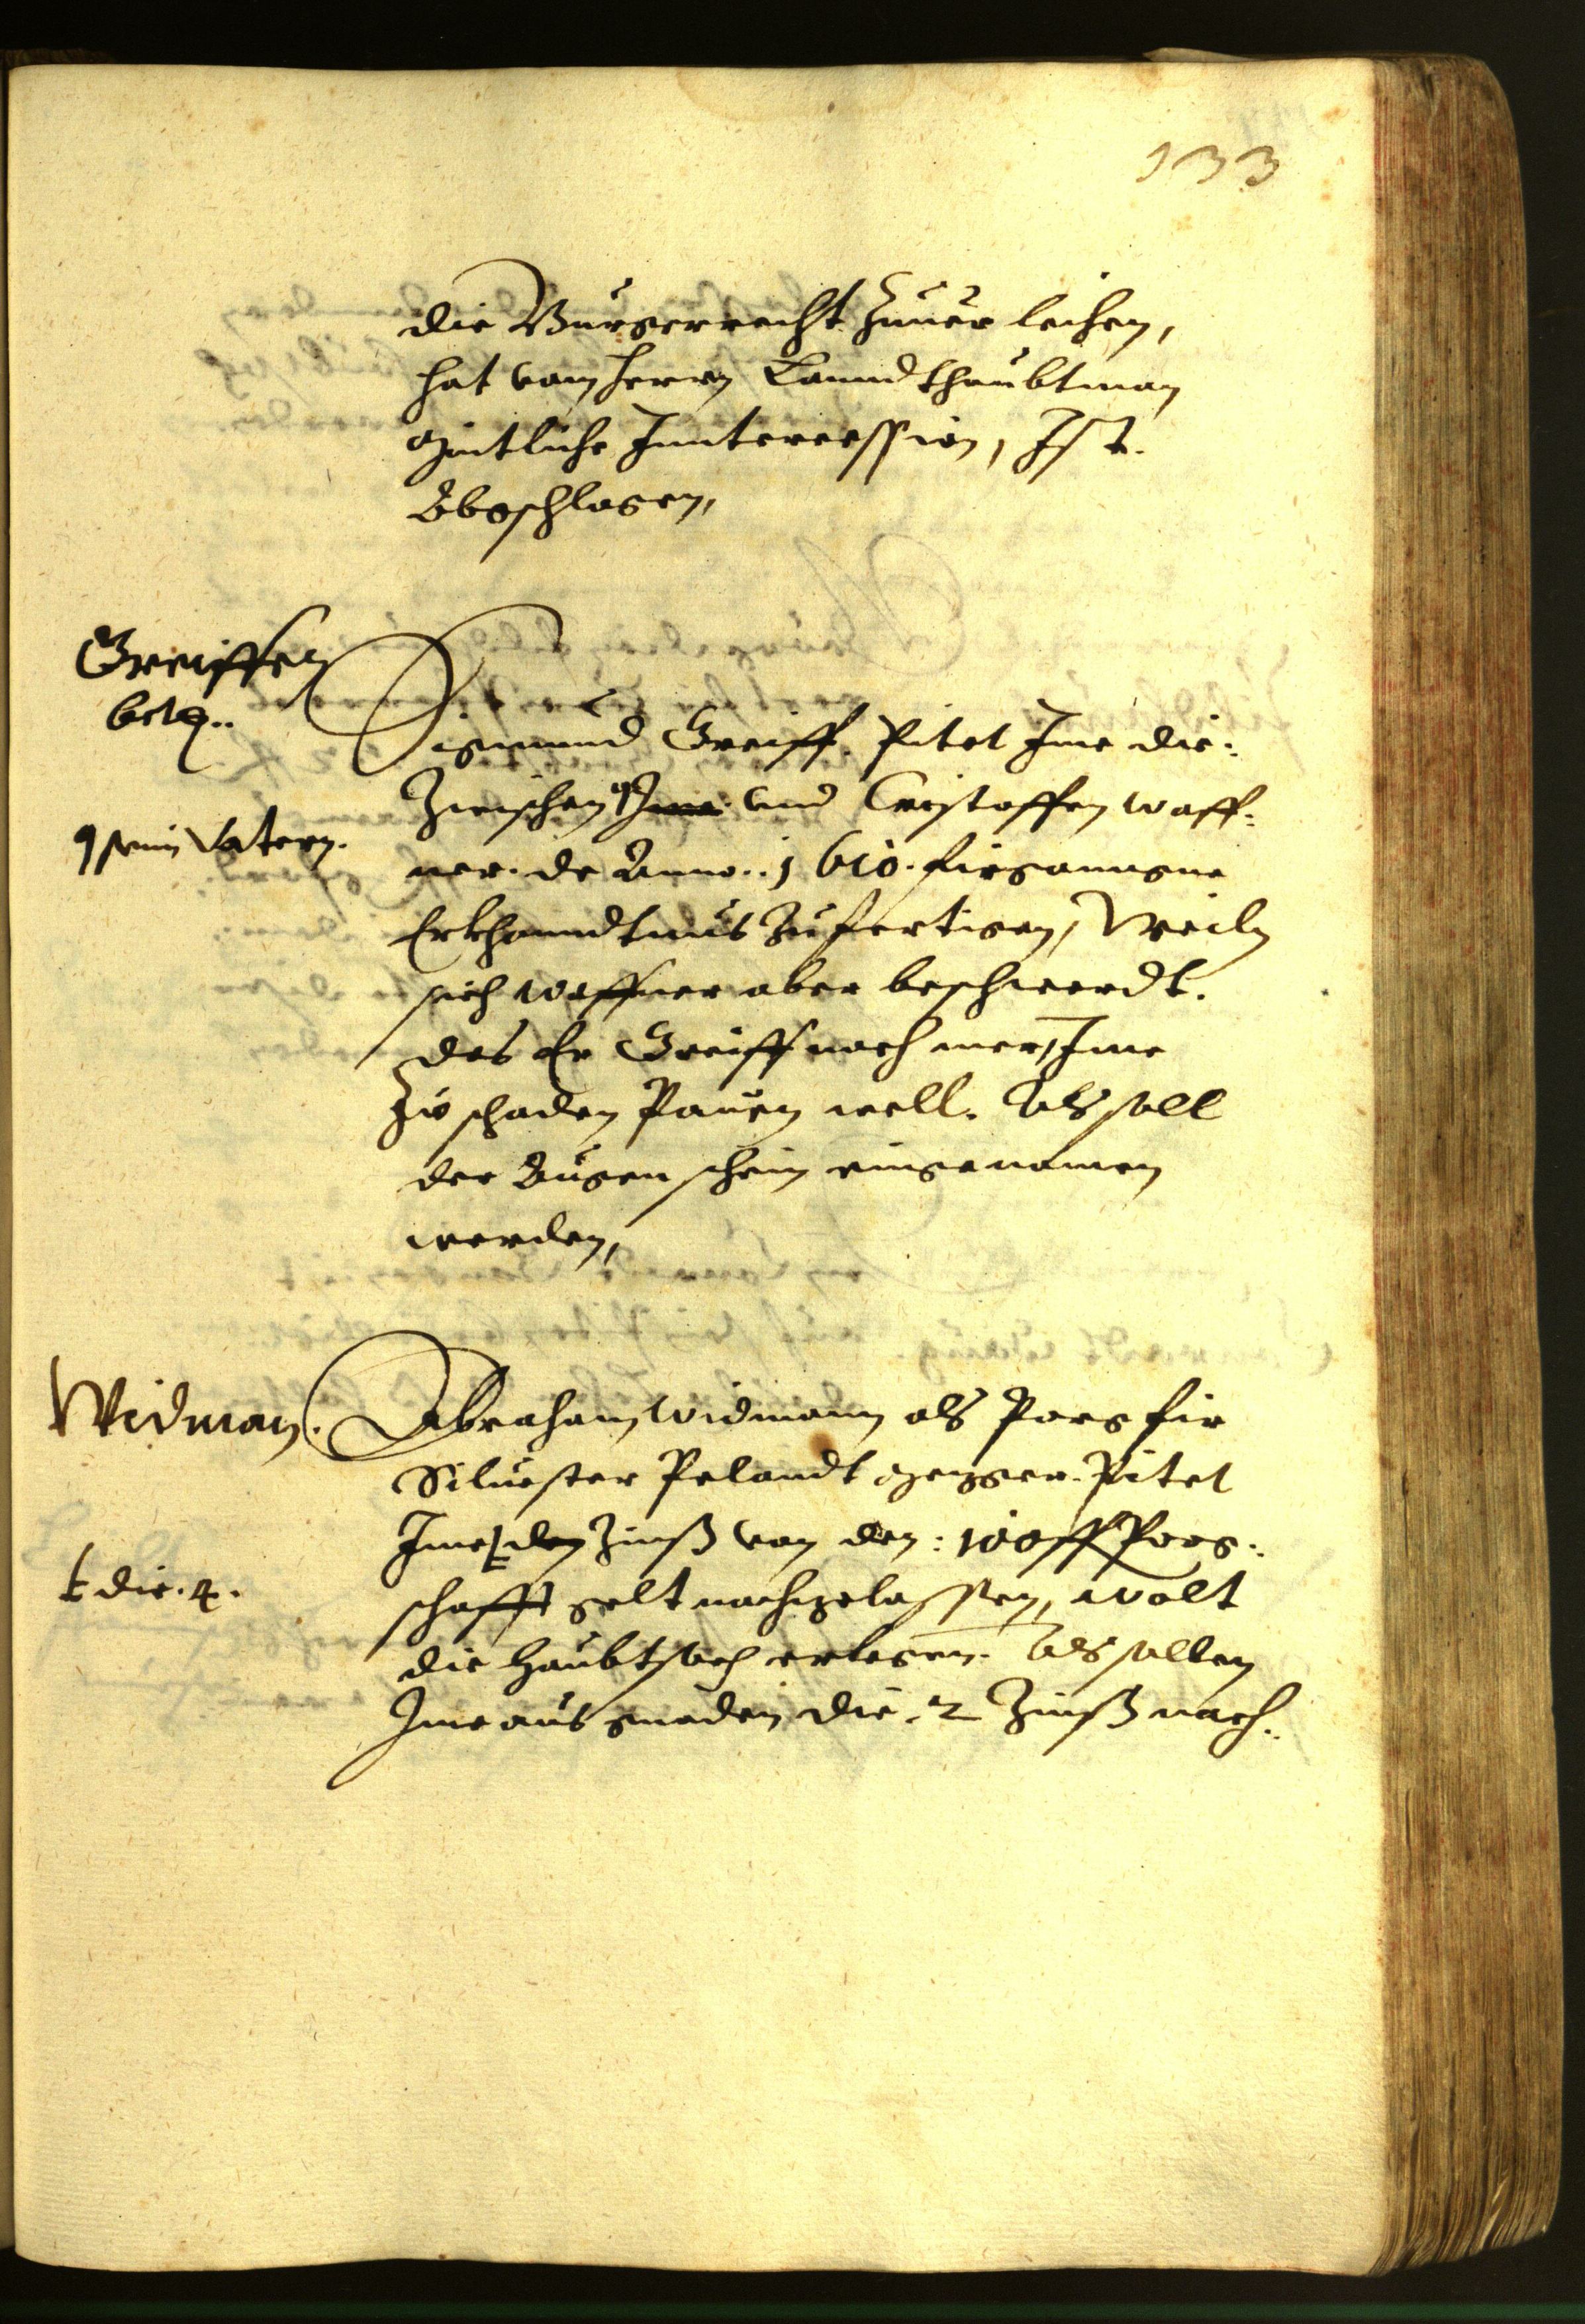133
die Būrgerrecht Zūūer leihen,
hat vom herrn Lanndthaūbtman
Mintliche Inntercession, Ist.
Abgschlagen,
Sigmūnd Greiff Pitet Ime die:
Zwischen Ime. vnd Cristoffen Waff¬
ner. de Anno: 1610. firganngne
Erkhonndtnūs Zūfertigen, Weiln
Sich Waffner aber bschwerdt.
das Er Greiff noch mer, Ime
Zū schaden Paūen well. Als soll
der Aūgen schein eingenomen
werden,
Greiffen
bet:
sein Vatern.
Abraham Widmann als Porg fir
Schūester Pelandt Metzger. Pitet
Ime den Zinß von den: 100 fl Porg¬
schafft gelt nachzelassen, wolt
die Haūbtsach erlegen. Als sollen
Ime aūs gnaden die .2 Zinß nach¬
Widman.
die .4.